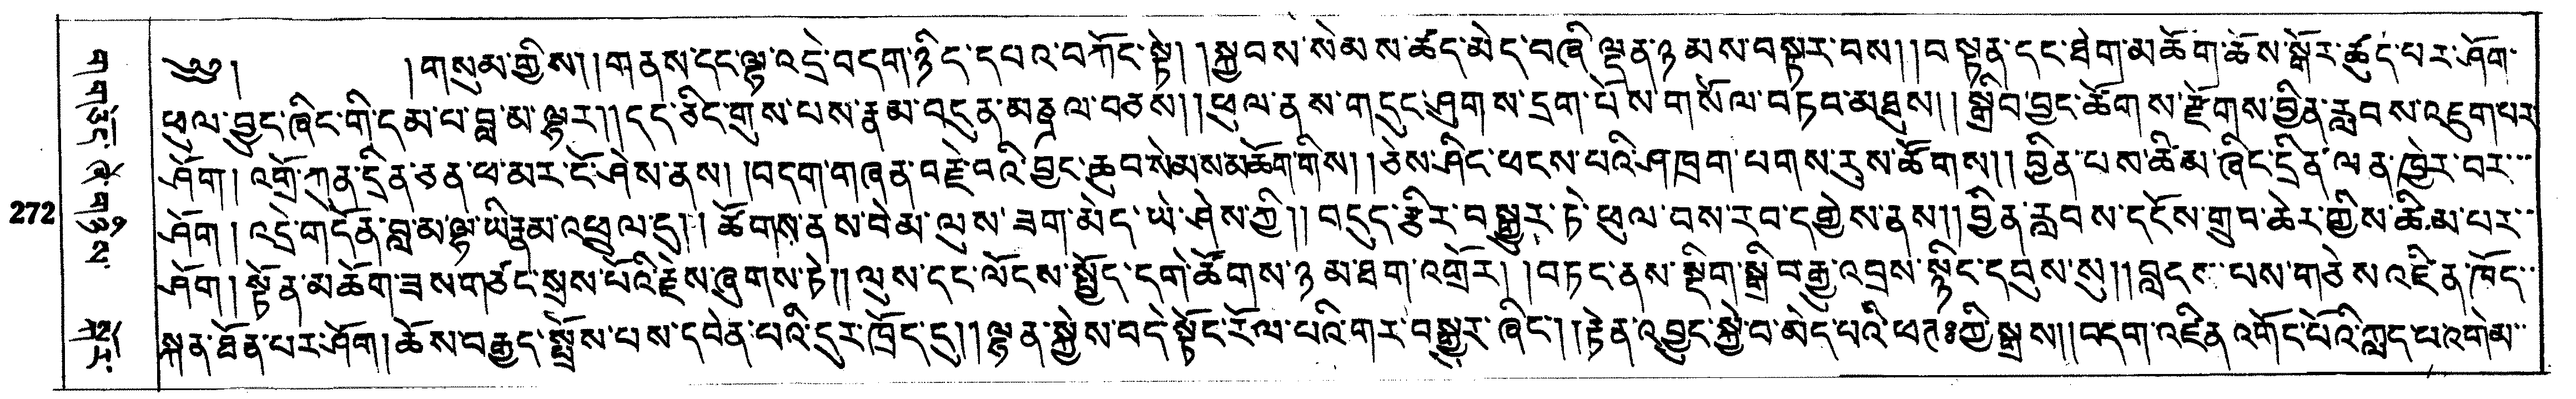༄༅། །གསུམ་གྱིས། །གནས་དང་ལྷ་འདྲེ་བདག་ཉིད་དཔའ་བཀོང་སྟེ། །སྐྱབས་སེམས་ཚད་མེད་བཞི་ལྡན་ཉམས་བསྟར་བས། །བསྟན་དང་ཐེག་མཆོག་ཆོས་སྒོར་ཚུད་པར་ཤོག་
ཕུལ་བྱུང་ཞིང་གི་དམ་པ་བླ་མ་ལྷར། །དད་ཅིང་གུས་པས་རྣམ་བདུན་མཎྜལ་བཅས། །ཕུལ་ནས་གདུང་ཤུགས་དྲག་པོས་གསོལ་བཏབ་མཐུས། ། སྒྲིབ་བྱང་ཚོགས་རྫོགས་བྱིན་རླབས་འཇུག་པར་
ཤོག །འགྲོ་ཀུན་དྲིན་ཅན་ཕ་མར་ངོ་ཤེས་ནས། །བདག་གཞན་བརྗེ་བའི་བྱང་ཆུབ་སེམས་མཆོག་གིས། །ཅེས་ཤིང་ཕངས་པའི་ཤ་ཁྲག་པགས་རུས་ཚོགས། །བྱིན་པས་ཚིམ་ཞིང་དྲིན་ལན་ཁྱེར་བར་
ཤོག །འདྲེ་གདོན་བླ་མ་ལྷ་ཡི་རྣམ་འཕྲུལ་དུ། །ཚོགས་ནས་བེམ་ལུས་ཟག་མེད་ཡེ་ཤེས་ཀྱི། །བདུད་རྩིར་བསྒྱུར་ཏེ་ཕུལ་བས་རབ་དགྱེས་ནས། །བྱིན་རླབས་དངོས་གྲུབ་ཆེར་གྱིས་ཚིམ་པར་
ཤོག །སྟོན་མཆོག་ཟས་གཙང་སྲས་པོའི་རྗེས་ཞུགས་ཏེ། །ལུས་དང་ལོངས་སྤྱོད་དགེ་ཚོགས་ཉམ་ཐག་འགྲོར། །བཏང་ནས་སྡིག་སྒྲིབ་རྒྱུ་འབྲས་སྙིང་དབུས་སུ། །བླངས་པས་གཅེས་འཛིན་ཁོད་
སྐན་ཐོན་པར་ཤོག །ཆོས་བརྒྱད་སྤྲོས་པས་དབེན་པའི་དུར་ཁྲོད་དུ། །ལྷན་སྐྱེས་བདེ་སྟོང་རོལ་པའི་གར་བསྒྱུར་ཞིང་། །རྟེན་འབྱུང་སྐྱེ་བ་མེད་པའི་ཕཊཿ ཀྱི་སྒྲས། །བདག་འཛིན་འགོང་པོའི་ཀླད་པ་འགེམ་